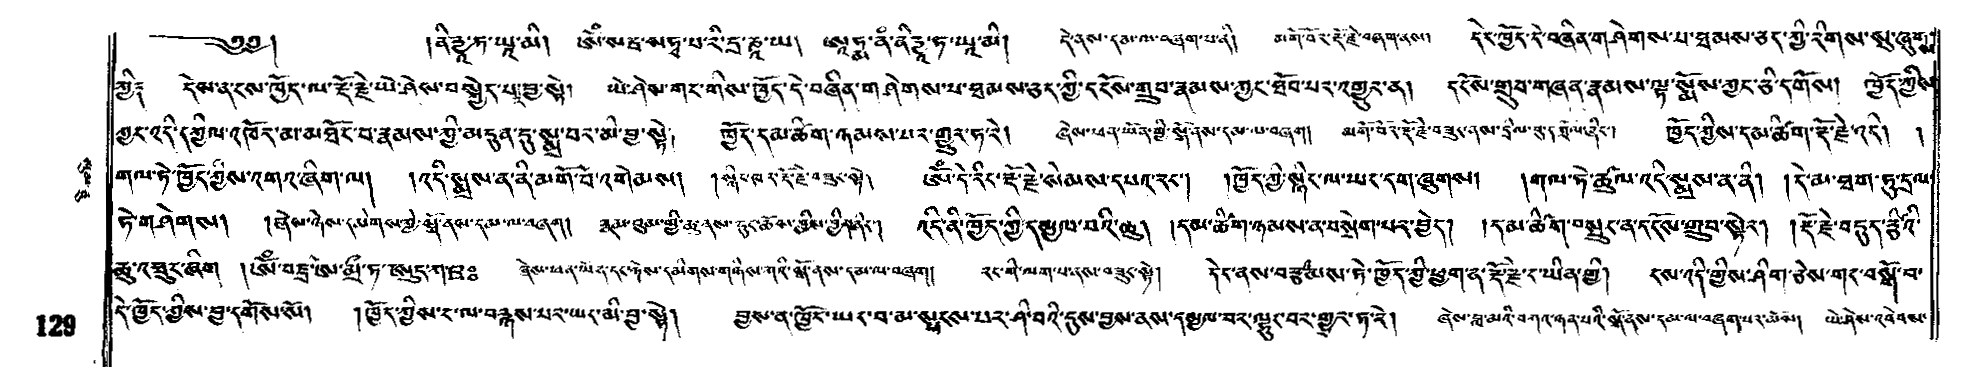༄༅། །ནི་རྱཱ་ཏ་ཡཱ་མི། ཨོཾ་སརྦ་སཏྭ་པ་རི་དྲ་ཎཱ་ཡ། ཨཱཏྨ་ནཾ་ནིརྱཱ་ཏ་ཡཱ་མི། དེ་ནས་དམ་ལ་བཞག་པ་ནི། མགོ་བོར་རྡོ་རྗེ་བཞག་ནས།  དེར་ཁྱོད་དེ་བཞིན་གཤེགས་པ་ཐམས་ཅད་ཀྱི་རིགས་སུ་ཞུགས་
ཀྱི༑ དེས་ན་ངས་ཁྱོད་ལ་རྡོ་རྗེ་ཡེ་ཤེས་བསྐྱེད་པར་བྱ་སྟེ། ཡེ་ཤེས་གང་གིས་ཁྱོད་དེ་བཞིན་གཤེགས་པ་ཐམས་ཅད་ཀྱི་དངོས་གྲུབ་རྣམས་ཀྱང་ཐོབ་པར་འགྱུར་ན། དངོས་གྲུབ་གཞན་རྣམས་ལྟ་སྨོས་ཀྱང་ཅི་དགོས། ཁྱོད་ཀྱིས་
ཀྱང་འདི་དཀྱིལ་འཁོར་མ་མཐོང་བ་རྣམས་ཀྱི་མདུན་དུ་སྨྲ་བར་མི་བྱ་སྟེ། ཁྱོད་དམ་ཚིག་ཉམས་པར་གྱུར་ཏ་རེ། ཞེས་ཕན་ཡོན་གྱི་སྒོ་ནས་དམ་ལ་བཞག། མགོ་བོར་རྡོ་རྗེ་བཟུང་ནས་དྲིལ་བུ་དགྲོལ་ཞིང་།  ཁྱོད་ཀྱིས་དམ་ཚིག་རྡོ་རྗེ་འདི། །
གལ་ཏེ་ཁྱོད་ཀྱིས་འགའ་ཞིག་ལ། །འདི་སྨྲས་ན་ནི་མགོ་བོ་འགེམས། །སྙིང་ཁར་རྡོ་རྗེ་བཟུང་སྟེ།  ཨོཾ་དེ་རིང་རྡོ་རྗེ་སེམས་དཔའ་རང་། །ཁྱོད་ཀྱི་སྙིང་ལ་ཡང་དག་ཞུགས། །གལ་ཏེ་ཚུལ་འདི་སྨྲས་ན་ནི། །དེ་མ་ཐག་ཏུ་དྲལ་
ཏེ་གཤེགས། །ཞེས་ཉེས་དམིགས་ཀྱི་སྒོ་ནས་དམ་ལ་བཞག། རྣམ་བུམ་གྱི་ཆུ་ནས་ཏུང་ཆོས་ཀྱིས་བྱིན་ཞིང་།  འདི་ནི་ཁྱོད་ཀྱི་དམྱལ་བའི་ཆུ། །དམ་ཚིག་ཉམས་ན་བསྲེག་པར་བྱེད། །དམ་ཚིག་བསྲུང་ན་དངོས་གྲུབ་སྟེར། །རྡོ་རྗེ་བདུད་རྩིའི་
ཆུ་འཐུང་ཞིག །ཨོཾ་བཛྲ་ཨ་མྲྀ་ཏ་ཨུད་ཀ་ཊཿཨཿ ཞེས་ཕན་ཡོན་དང་ཉེས་དམིགས་གཉིས་ཀའི་སྒོ་ནས་དམ་ལ་བཞག། རང་གི་ལག་པ་ནས་བཟུང་སྟེ།  དེང་ནས་བརྩམས་ཏེ་ཁྱོད་ཀྱི་ཕྱག་ན་རྡོ་རྗེ་ང་ཡིན་གྱི། ངས་འདི་གྱིས་ཤིག་ཅེས་གང་བསྒོ་བ་
དེ་ཁྱོད་ཀྱིས་བྱ་དགོས་སོ། །ཁྱོད་ཀྱིས་ང་ལ་བརྙས་པར་ཡང་མི་བྱ་སྟེ། བྱས་ན་ཁྱོད་ཡང་བ་མ་སྤངས་པར་ཤི་བའི་དུས་བྱས་ནས་དམྱལ་བར་ལྟུང་བར་གྱུར་ཏ་རེ། ཞེས་བླ་མའི་བཀའ་ཉན་པའི་སྒོ་ནས་དམ་ལ་བཞག་པར་མོས། ཡེ་ཤེས་འབེབས་